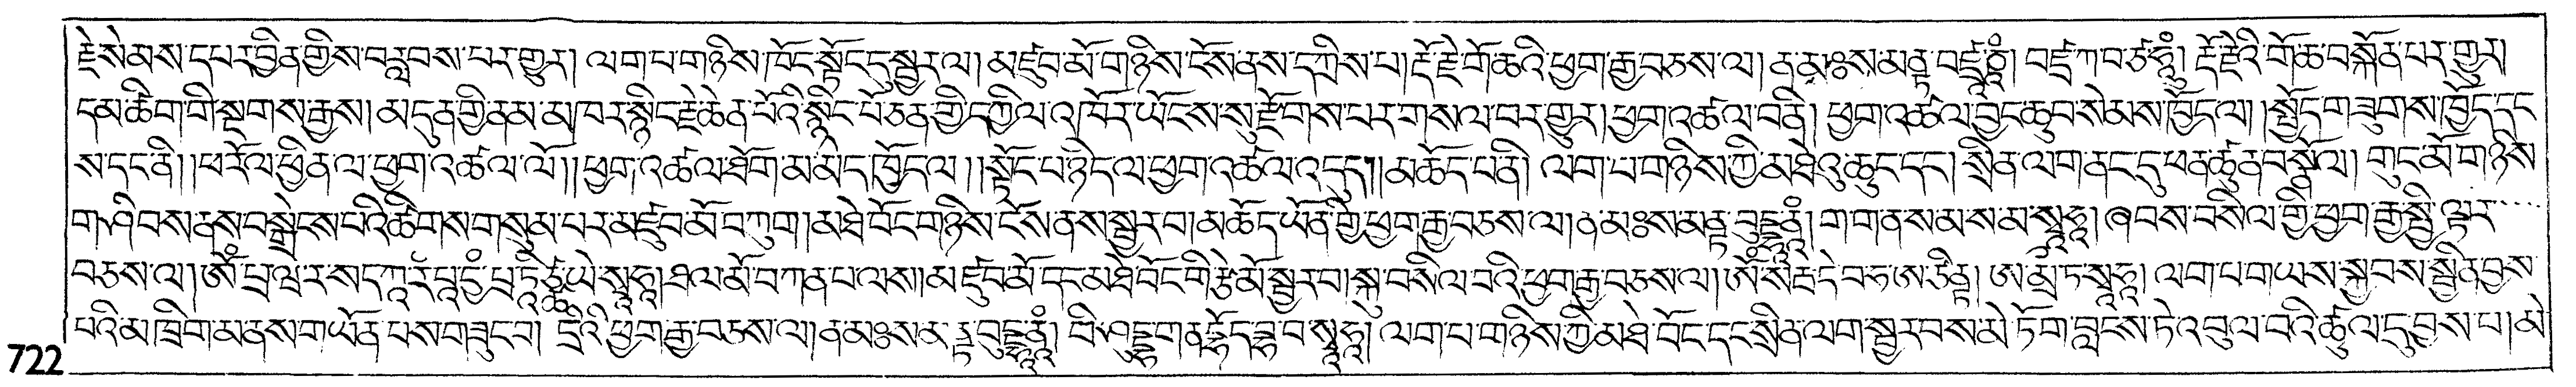རྗེ་སེམས་དཔར་བྱིན་གྱིས་བརླབས་པར་གྱུར། ལག་པ་གཉིས་ཁོང་སྟོང་དུ་སྦྱར་ལ། མཛུབ་མོ་གཉིས་ངོས་ནས་དཀྲིས་པ། རྡོ་རྗེ་གོ་ཆའི་ཕྱག་རྒྱ་བཅས་ལ། ན་མཿ ས་མནྟ་བཛྲཱ་ཎཱཾ། བཛྲ་ཀ་བ་ཙ་ཧཱུཾ། རྡོ་རྗེའི་གོ་ཆ་བསྐོན་པར་གྱུར།
དམ་ཚིག་གི་སྔགས་རྒྱས། མདུན་གྱི་ནམ་མཁར་སྙིང་རྗེ་ཆེན་པོའི་སྙིང་པོ་ཅན་གྱི་དཀྱིལ་འཁོར་ཡོངས་སུ་རྫོགས་པར་གསལ་བར་གྱུར། ཕྱག་འཚལ་བ་ནི། ཕྱག་འཚལ་བྱང་ཆུབ་སེམས་ཁྱོད་ལ། །སྤྱོད་གཟུགས་ཁྱོད་དང་
ས་དང་ནི། །ཕ་རོལ་ཕྱིན་ལ་ཕྱག་འཚལ་ལོ། །ཕྱག་འཚལ་ཐོག་མ་མེད་ཁྱོད་ལ། །སྟོང་པ་ཉིད་ལ་ཕྱག་འཚལ་འདུད། །མཆོད་པ་ནི། ལག་པ་གཉིས་ཀྱི་མཐེའུ་ཆུང་དང་། སྲིན་ལག་ནང་དུ་ཕན་ཚུན་བསྣོལ། གུང་མོ་གཉིས་
གཤིབས་ནས་བསྒྲེངས་པའི་ཚིགས་གསུམ་པར་མཛུབ་མོ་བཀུག །མཐེ་བོང་གཉིས་ངོས་ནས་སྦྱར་བ། མཆོད་ཡོན་གྱི་ཕྱག་རྒྱ་བཅས་ལ། ན་མཿ ས་མནྟ་བུདྡྷཱ་ཎཱཾ། ག་ག་ན་ས་མ་ས་མ་སྭཱཧཱ། ཞབས་བསིལ་གྱི་ཕྱག་རྒྱ་སྤྱི་ལྟར་
བཅས་ལ། ཨོཾ་པྲ་ཝ་ར་སད་ཀཱ་རཾ་པཱ་དྱཾ་པྲ་ཏཱི་ཙྪ་ཡེ་སྭཱཧཱ། ཐལ་མོ་བཀན་པ་ལས། མཛུབ་མོ་དང་མཐེ་བོང་གི་རྩེ་མོ་སྦྱར་བ། སྐུ་བསིལ་བའི་ཕྱག་རྒྱ་བཅས་ལ། ཨོཾ་སརྦ་དེ་བ་ཧ་ཨ་ཙིནྟ། ཨ་མྲྀ་ཏ་སྭཱཧཱ། ལག་པ་གཡས་སྐྱབས་སྦྱིན་བྱས་
པའི་མཁྲིག་མ་ནས་གཡོན་པས་གཟུང་བ། དྲིའི་ཕྱག་རྒྱ་བཅས་ལ། ན་མཿ ས་མནྟ་བུདྡྷཱ་ནཱཾ། བི་ཤུདྡྷ་གན་དྷོད་བྷ་བ་སྭཱཧཱ། ལག་པ་གཉིས་ཀྱི་མཐེ་བོང་དང་སྲིན་ལག་སྦྱར་བས་མེ་ཏོག་བླངས་ཏེ་འབུལ་བའི་ཚུལ་དུ་བྱས་པ། མེ་